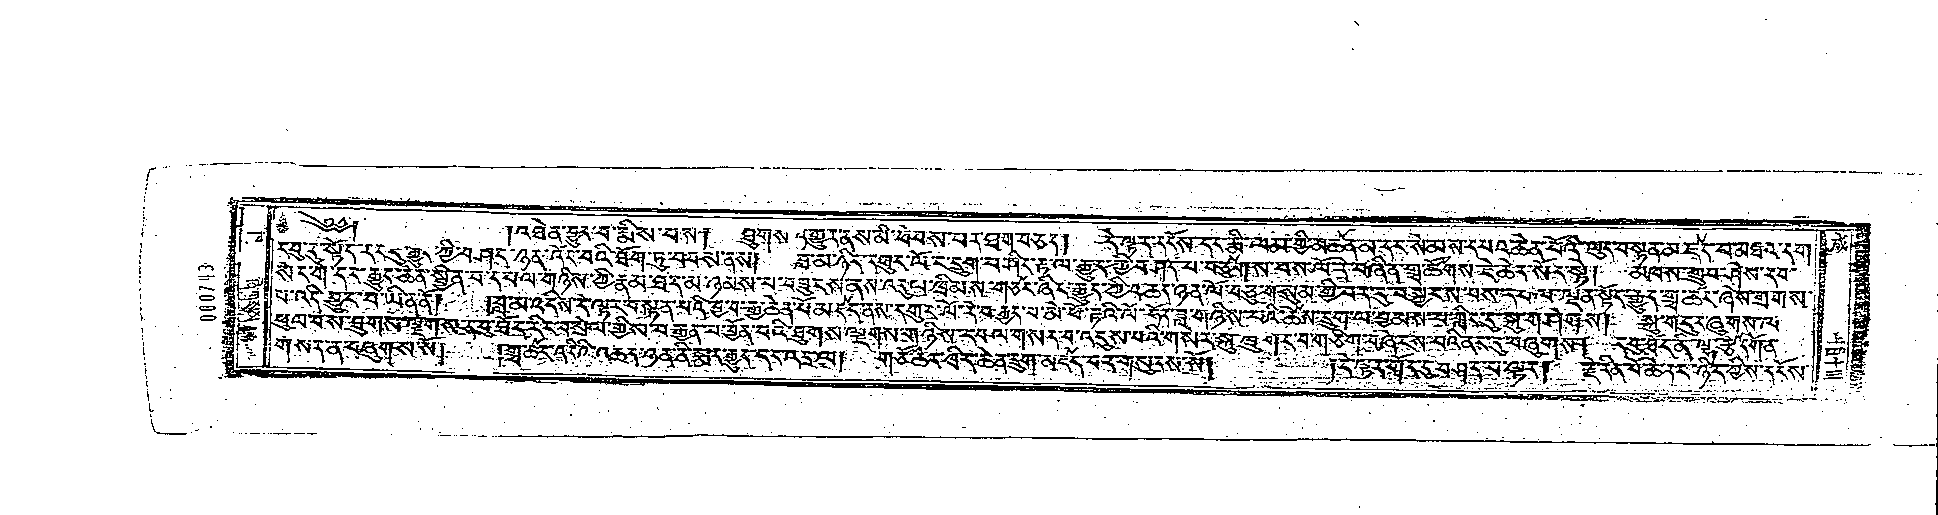༄༅། །འཐེན་བྱུང་བ་རྨིས་པས། ཐུགས་འགྱུར་ནས་མི་ཕེབས་པར་ཐག་བཅད། དེ་ལྟར་དངོས་དང་རྨི་ལམ་གྱི་མཚན་མ་དང་སེམས་དཔའ་ཆེན་པོའི་ལུང་བསྟན་མཛད་པ་མཐའ་དག་
དབུ་རུ་སྟོད་རང་དུ་རྒྱུད་ཀྱི་བཤད་ཉན་འོད་བའི་ཐོག་ཏུ་བབས་ནས། བླ་མ་ཉིད་དགུང་ལོ་ང་དྲུག་པ་ཤིང་རྟ་ལ་རྒྱུད་ཀྱི་བཤད་པ་བཙུགས་པས་ལོ་རེ་བཞིན་གྲྭ་ཚོགས་ཇེ་ཆར་སོང་སྟེ། མཁས་གྲུབ་ཤེས་རབ་
སེང་གེ་དང་རྒྱུད་ཆེན་སྦྱིན་པ་དཔལ་གཉིས་ཀྱི་རྣམ་ཐར་མ་ཉམས་པ་བཟུངས་ནས་འདུལ་ཁྲིམས་གཙང་ཞིང་རྒྱུད་ཀྱི་འཆད་ཉན་ལོ་བཅུ་གསུམ་གྱི་བར་དུ་བསྐྱངས་པས་དཔལ་ལྡན་སྟོང་རྒྱུད་གྲྭ་ཚང་ཞེས་གྲགས་
པ་འདི་བྱུང་བ་ཡིན་ནོ། །བླ་མ་འདིས་དེ་ལྟར་བསྟན་པའི་བྱ་བ་རྒྱ་ཆེན་པོ་མཛད་ནས་དགུང་ལོ་རེ་བརྒྱད་པ་མེ་ཕོ་རྟའི་ལོ་ཧོར་ཟླ་གཉིས་པའི་ཚེས་དྲུག་ལ་བྱམས་པ་གླིང་དུ་སྐུ་གཤེགས། སྐུ་གདུང་ཞུགས་ལ་
ཕུལ་བས་ཐུགས་ལྗགས་དབུ་ཐོད་རིང་བ་སྲེལ་གྱིས་བརྒྱན་པ་བྱོན་པའི་ཐུགས་ལྗགས་གཉིས་དཔལ་གསང་བ་འདུས་པའི་གསེར་སྐུ་ཁྲུ་གང་བ་གཅིག་བཞེངས་པའི་ནང་དུ་བཞུགས། དབུ་ཐོང་ནི་ལྷ་རྩེ་དགོན་
གསར་ན་བཞུགས་སོ། །གྲྭ་ཚང་འདིའི་འཆད་ཉན་ནི་སྨད་རྒྱུད་དང་འདྲལ། གཙོ་ཆེར་ཁྲིད་ཆེན་དྲུག་མཛད་བར་གསུངས་སོ། །དེ་ལྟར་གོང་དུ་བཤད་པ་ལྟར། རྗེ་རིན་པོ་ཆེ་རང་ཉིད་ཀྱིས་དངོས་